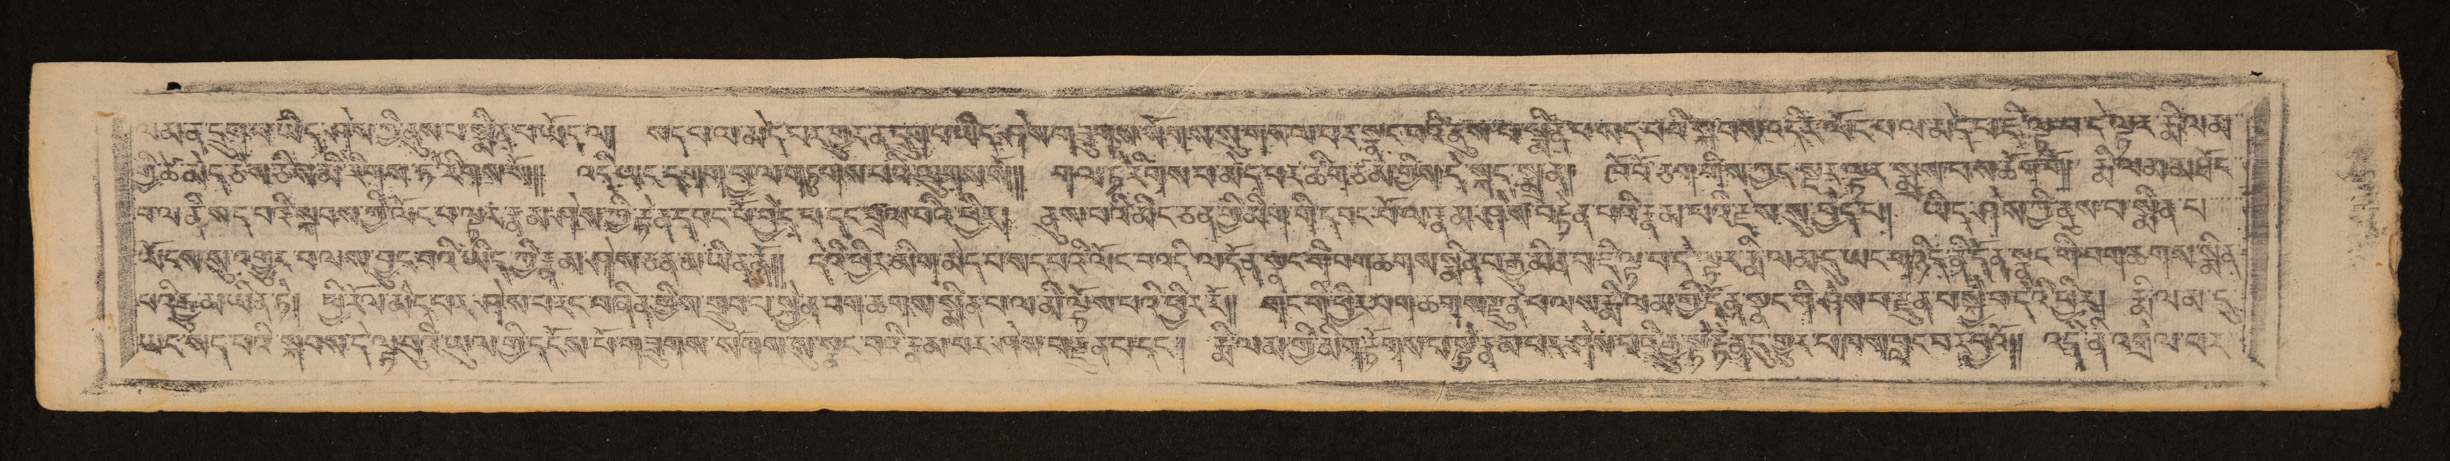ལམ་ན་དྲུག་པ་ཡིད་ཤེས་ཀྱི་ནུས་པ་སྨིན་པ་ཡོད་ལ། སད་པ་ལ་མེད་པར་གྱུར་ན་དྲུག་པ་ཡིད་ཤེས་གཟུགས་སོགས་སུ་གསལ་བར་སྣང་བའི་ནུས་པ་སྨིན་པ་སད་པའི་སྐབས་འདིར་ལོང་བ་ལ་མེད་པ་ཇི་ལྟ་བ་དེ་ལྟར་རྨི་ལམ་
གྱི་ཚེ་མེད་ཅེས་ཅིས་མི་རིགས་ཏེ་རིགས་སོ།། འདི་ཡང་དགག་བྱ་ལ་གཏུགས་པའི་ལུགས་སོ།། གལ་ཏེ་རིགས་པ་མེད་པར་ཚིག་ཙམ་གྱིས་དེ་སྐད་སྨྲ་ན། ཁོ་བོ་ཅག་གིས་ཀྱང་སྔར་ལྟར་སྨྲས་པས་ཆོག་གོ། རྨི་ལམ་མཐོང་
བ་ལ་ནི་སད་པའི་སྐབས་ཀྱི་ལོང་བ་ལྟར་རྣམ་ཤེས་ཀྱི་རྟེན་དབང་པོ་བྱེད་པ་དང་བྲལ་བའི་ཕྱིར། ནུས་པའི་མིང་ཅན་གྱི་མིག་གི་དབང་པོ་ལ་རྣམ་ཤེས་བརྟེན་པའི་རྣམ་པའི་རྗེས་སུ་བྱེད་པ། ཡིད་ཤེས་ཀྱི་ནུས་པ་སྨིན་པ་
ཡོངས་སུ་འགྱུར་བ་ལས་བྱུང་བའི་ཡིད་ཀྱི་རྣམ་ཤེས་ཅན་མ་ཡིན་ནོ།། དེའི་ཕྱིར་མིག་མེད་པ་སད་པའི་ལོང་བ་འདི་ལ་དོན་སྣང་གི་བག་ཆགས་སྨིན་པ་རྒྱུ་མིན་པ་ཇི་ལྟ་བ་དེ་ལྟར་རྨི་ལམ་དུ་ཡང་གཉིད་ནི་དོན་སྣང་གི་བག་ཆགས་སྨིན་
པའི་རྒྱུ་མ་ཡིན་ཏེ། ཕྱི་རོལ་མེད་པར་ཤེས་པ་རང་བཞིན་གྱིས་གྲུབ་པ་སྐྱེ་ན་བག་ཆགས་སྨིན་པ་ལ་མི་ལྟོས་པའི་ཕྱིར་རོ།། གང་གི་ཕྱིར་བག་ཆགས་རྫུན་པ་ལས་རྨི་ལམ་གྱི་དོན་སྣང་གི་ཤེས་པ་རྫུན་པ་སྐྱེ་བ་དེའི་ཕྱིར། རྨི་ལམ་དུ་
ཡང་སད་པའི་སྐབས་དེ་ལྟ་བུའི་ཡུལ་གྱི་དངོས་པོ་གཟུགས་སོགས་སུ་སྣང་བའི་རྣམ་པར་ཤེས་པ་རྫུན་པ་དང་། རྨི་ལམ་གྱི་མིག་རྟོགས་པ་སྟེ་རྣམ་པར་ཤེས་པའི་རྒྱུ་སྟེ་རྟེན་དུ་གྱུར་པ་ཁས་བླང་བར་བྱའོ།། འདི་ནི་འགྲེལ་པར་